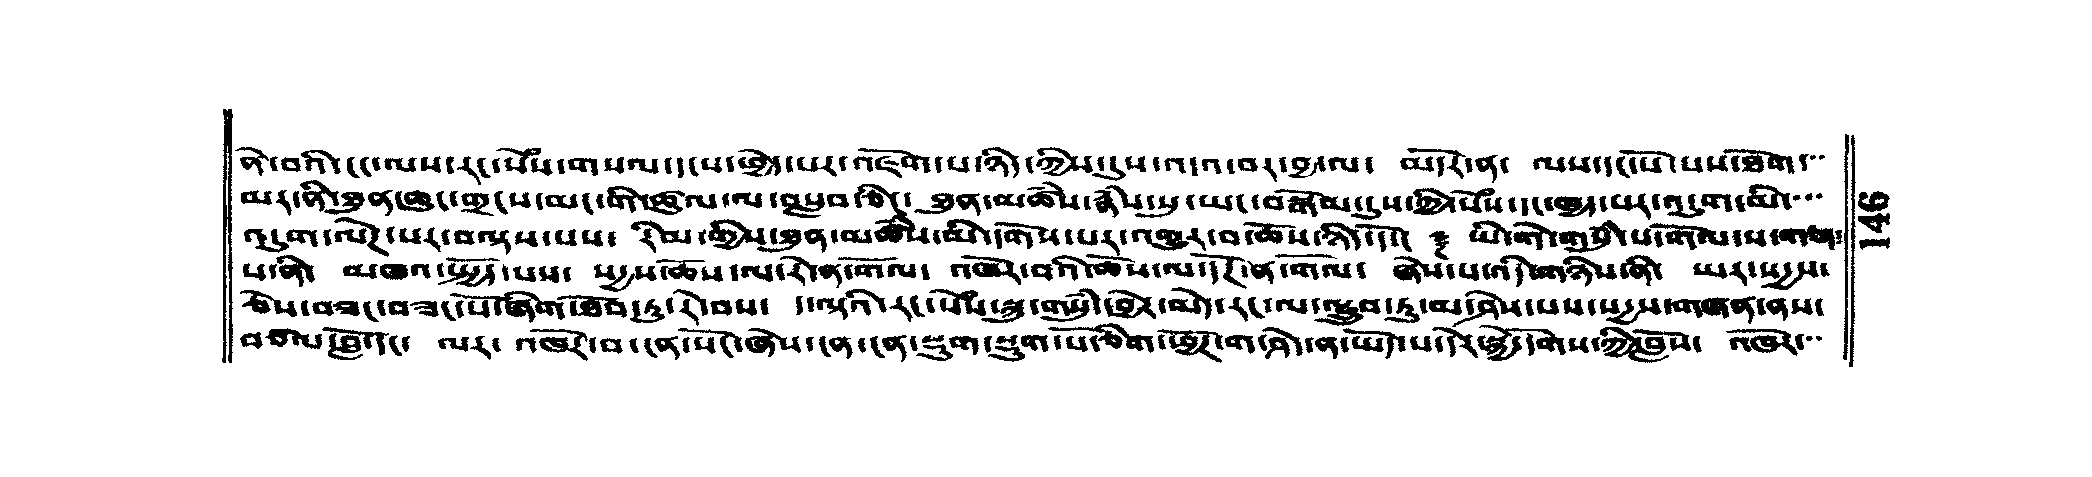ནེ་བའི་ངང་ལས་རང་སེམས་གསལ་དྭངས་ཕྱེད་པར་འཇོག་པ་ཉིད་ཀྱིས་དུས་འདའ་བར་བྱ་ལ། མདོར་ན། ལས་དང་པོ་པས་ཐོག་
མར་ནི་ཐུན་ཆུང་གྲངས་མང་གི་ཚུལ་ལ་བསླབ་ཅིང་། ཐུན་མཚམས་རྣམས་སུ་ཡང་བསྒོམ་དུས་ཀྱི་སེམས་དང་ཁྱད་པར་འདུག་མི་
འདུག་ལེགས་པར་བལྟས་པས། རིམ་གྱིས་ཐུན་མཚམས་མི་དགོས་པར་འགྱུར་བ་ཆོས་ཉིད་དོ། ༈ ཡི་གེ་གསུམ་པ་གོལ་ས་གཅོད་
པ་ནི། མཁའ་སྤྱོད་པས། སངས་རྒྱས་ཆོས་ལ་རེ་ན་གོལ། །འཁོར་བའི་ཆོས་ལ་དོགས་ན་གོལ། ཞེས་པ་འདི་གཉིས་ནི། ཡར་སངས་རྒྱས་
ཅེས་བཟང་བཟང་པོ་ཞིག་ཐོབ་ཏུ་རེ་བས། ད་ལྟའི་རང་སེམས་སྐུ་གསུམ་དབྱེར་མེད་རང་ལ་ལྷུན་གྲུབ་ཏུ་མ་ཤེས་པས་སངས་རྒྱས་གཞན་ནས་
བཙལ་བློ་དང་། མར་འཁོར་བ་ངན་སོང་ཞེས་ངན་ངན་སྡུག་སྡུག་པོ་ཞིག་ཕྱོགས་ག་ཤེད་ན་ཡོད་པ་དེར་སྐྱེ་དོགས་ཀྱི་བློས། འཁོར་